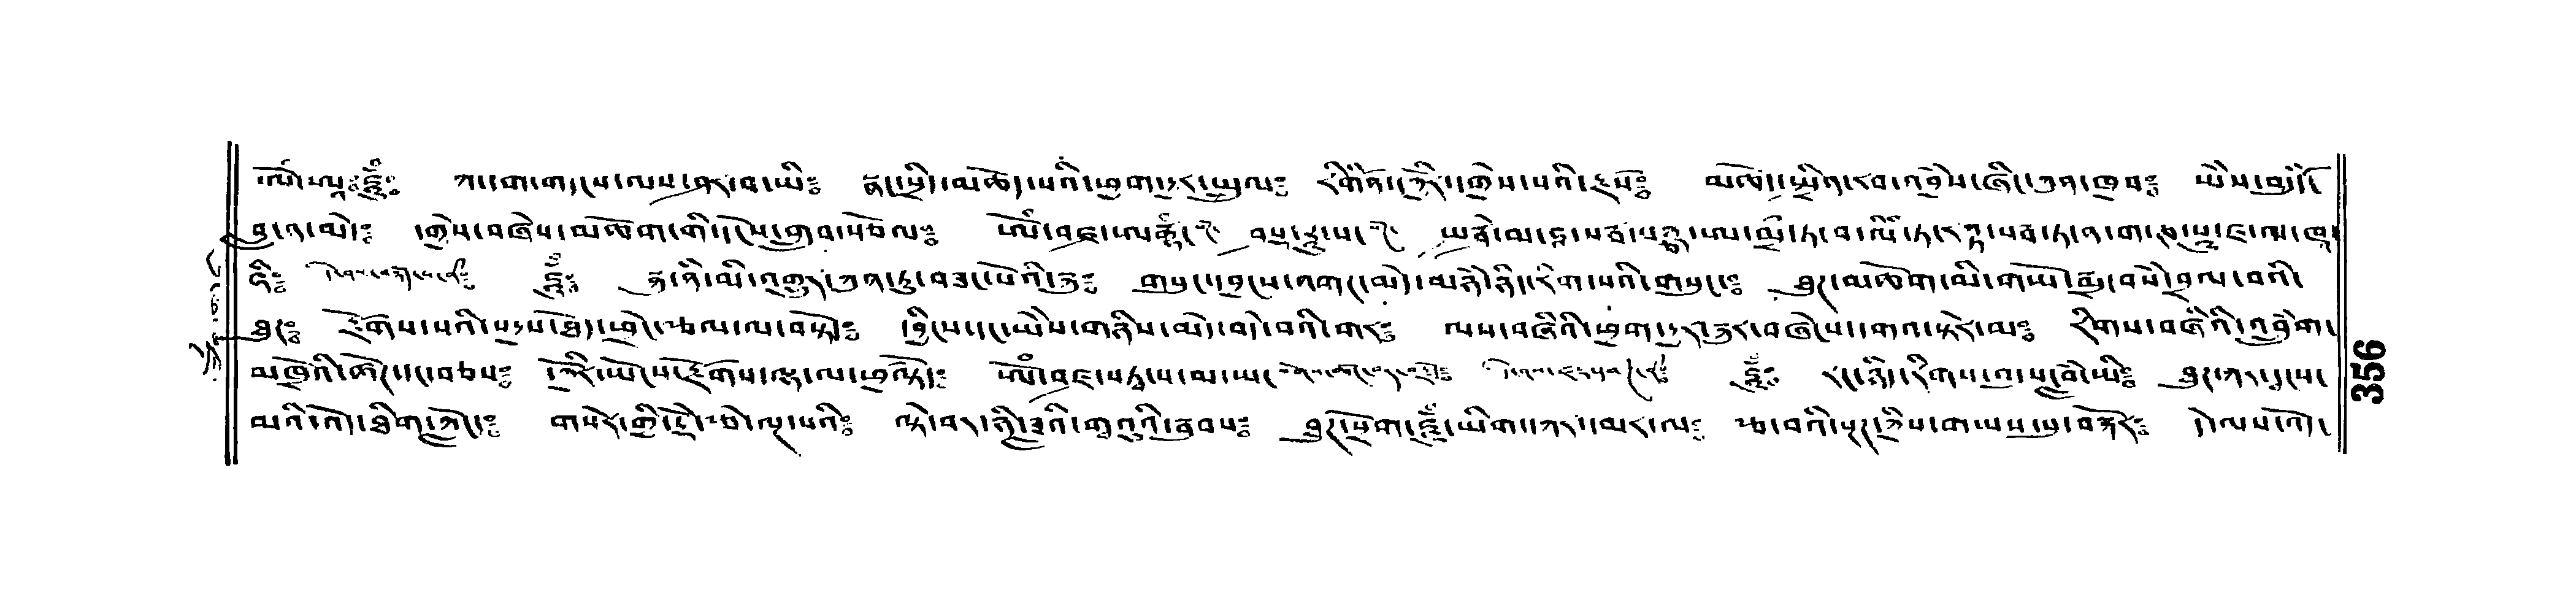ཨོཾ་ཨཱཿཧཱུྃ༔ ཀ་དག་གདངས་ལས་ཤར་བ་ཡི༔ སྣང་སྲིད་མཆོད་པའི་ཕྱག་རྒྱར་སྤྲུལ༔ རིག་འཛིན་དཀྱིལ་འཁོར་དགྱེས་པའི་རྫས༔ མཆོད་སྤྲིན་རབ་འབྱམས་ཞིང་ཀུན་ཁྱབ༔ཡེ་ཤེས་བདུད་རྩི་
བླ་ན་མེད༔ དགྱེས་བཞེས་མཆོག་གི་དངོས་གྲུབ་སྩོལ༔ ཨོཾ་བཛྲ་ཨརྒྷཾསོགས༔ ཤཔྡ་རཱུ་པ་སོགས༔ སྤརྴེ་མ་ཧཱ་སརྦ་པཉྩ་ཨ་མྲྀ་ཏ་བ་ལིཾ་ཏ་རཀྟ་སརྦ་ཏ་ན་ག་ཎ་པཱུ་ཛ་ལ་ཁཱ་
ཧི༔ དེ་ནས་བསྟོད་པ་ནི༔ ཧཱུྃ༔ སྐུ་ནི་མི་འགྱུར་ཀུན་ཏུ་བཟང་པོའི་སྐུ༔ གསུང་དབྱངས་འགགས་མེད་མཉམ་ཉིད་རིག་པའི་གསུང༔ ཐུགས་མཆོག་མི་གཡོ་སྨྲ་བསམ་བྲལ་བའི་
ཐུགས༔ རྫོགས་པའི་སངས་རྒྱས་ཐོད་ཕྲེང་རྩལ་ལ་བསྟོད༔ དབྱིངས་དང་ཡེ་ཤེས་གཉིས་མེད་བདེ་བའི་གར༔ ལས་བཞིའི་ཕྱག་རྒྱར་སྐུར་བཞེངས་དགའ་སྟེར་མ༔ རིགས་བཞིའི་འབུམ་ཕྲག་
མཁའ་འགྲོའི་ཚོགས་དང་བཅས༔ དཀྱིལ་འཁོར་ཡོངས་རྫོགས་ལྷ་ལ་ཕྱག་འཚལ་བསྟོད༔ ཨོཾ་བཛྲ་སཏྭ་ས་མ་ཡ་སོགས་ཚང་བར་བརྗོད༔ དེ་ནས་འཛབ་དམིགས་ནི༔ ཧཱུྃ༔ རང་ཉིད་རིགས་འདུས་བླ་མ་ཡི༔ ཐུགས་ཀར་དྭངས་
མའི་འོད་ཐིག་ཀློང༔ གསེར་གྱི་རྡོ་རྗེ་རྩེ་ལྔ་པའི༔ ལྟེ་བར་ཉི་ཟླའི་གྭའུའི་སྦུབས༔ ཐུགས་སྲོག་ཧཱུྃ་ཡིག་དཀར་དམར་ལ༔ རྩ་བའི་སྔགས་ཀྱིས་གཡས་སུ་བསྐོར༔ དེ་ལས་འོད་